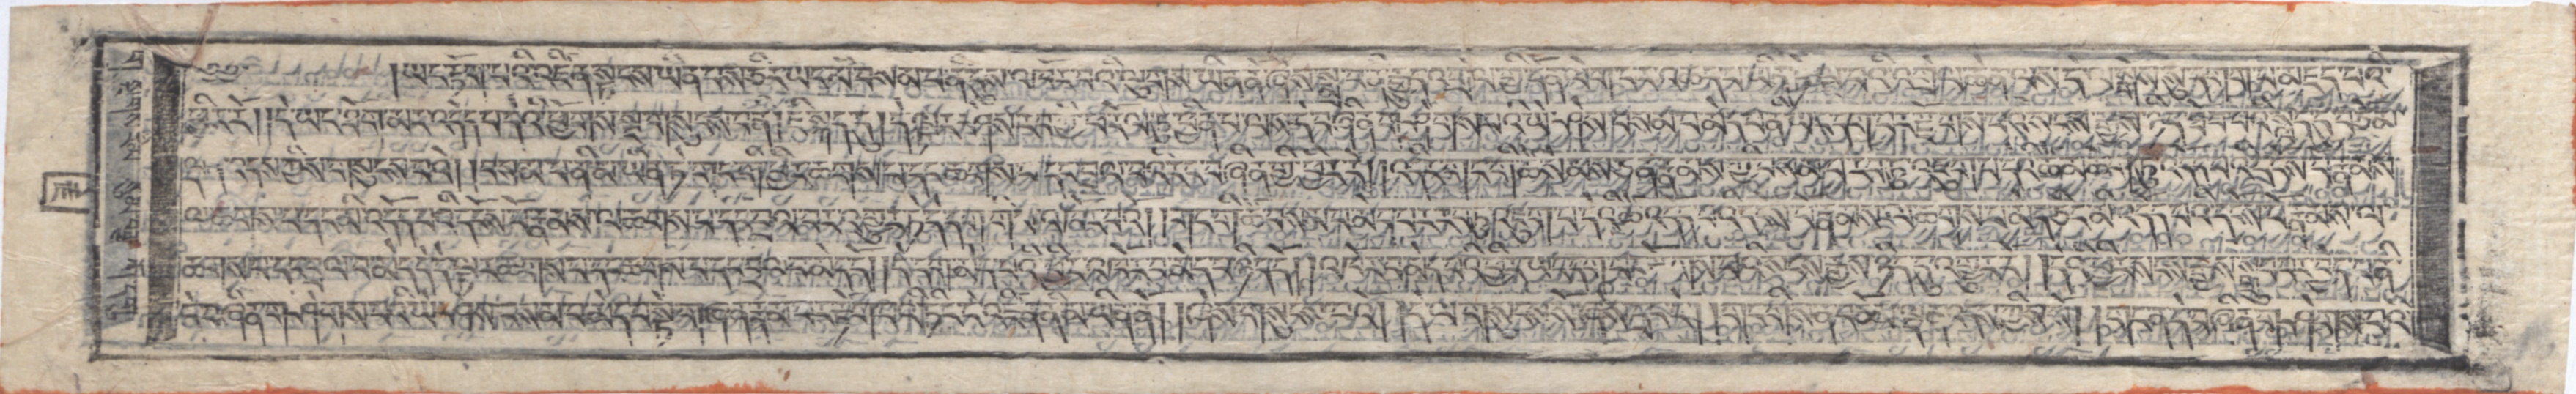༄༅། །ཡང་རྟོག་པའི་འཛིན་སྟངས་ཡིན་པས་ཅིར་ཡང་མི་བསམ་པ་ནི་དུས་འཁོར་བའི་ལུགས་ཡིན་ནོ་ཞེས་སྨྲ་བ་ནི་རྒྱུད་འགྲེལ་གྱི་དོན་ལོག་པར་འཆད་པ་ཡིན་ཏེ་ལྔ་པའི་འགྲེལ་ཆེན་ལས་དེ་ལ་སྒོས་སུ་དགག་པ་མཛད་པའི་
ཕྱིར་རོ། །དེ་ཡང་ཐོག་མར་འདོད་པ་དེའི་ཕྱོགས་སྔ་གསུངས་པ་ནི། ཇི་སྐད་དུ། དེ་ལྟར་ཤེས་རབ་ཀྱི་ཕ་རོལ་ཏུ་ཕྱིན་པ་ལས་དེ་བཞིན་གཤེགས་པའི་ཡེ་ཤེས་བསམ་པ་མེད་པ་ནི་ཡང་དག་པར་རྫོགས་པའི་སངས་རྒྱས་ཉིད་ཐོབ་པའི་སླད་དུ་བཅོམ་
ལྡན་འདས་ཀྱིས་གསུངས་པའོ། །བསམ་པ་ནི་མ་ཡིན་ཏེ་གང་གི་ཕྱིར་ཆགས་པ་དང་ཆགས་པ་དང་བྲལ་བའི་རང་བཞིན་གྱི་ཕྱིར་རོ། །འདིར་གང་གི་ཚེ་སེམས་ཅན་རྣམས་ཀྱི་བསམ་པ་རབ་ཏུ་འཇུག་པ་དེའི་ཚེ་མཆོག་ཏུ་འདོད་པའི་དངོས་པོ་རྣམས་
ལ་ཆགས་པ་དང་མི་འདོད་པའི་དངོས་པོ་རྣམས་ལ་ཆགས་པ་དང་བྲལ་བར་འགྱུར་ཏེ་དེ་དག་གིས་འཁོར་བའོ། །གང་གི་ཚེ་བསམ་པ་མེད་པར་རབ་ཏུ་འཇུག་པ་དེའི་ཚེ་འདོད་པའི་དངོས་པོ་རྣམས་ལ་ཆགས་པ་མེད་ཅིང་མི་འདོད་པའི་དངོས་པོ་རྣམས་ལ་
ཆགས་པ་དང་བྲལ་བ་མེད་དེ་དེ་ལྟར་ཆགས་པ་དང་ཆགས་པ་དང་བྲལ་བ་མེད་དོ། །དེ་དག་མེད་པའི་ཕྱིར་འཁོར་བ་མེད་པ་ཉིད་དོ། །འཁོར་བ་མེད་པའི་ཕྱིར་ཡང་དག་པར་རྟོགས་པའི་སངས་རྒྱས་ཉིད་དུ་འགྱུར་རོ། །དེའི་ཕྱིར་སངས་རྒྱས་སྒྲུབ་པར་བྱེད་པ་ནི་
དེ་བཞིན་གཤེགས་པའི་ཡེ་ཤེས་བསམ་པ་མེད་པ་སྟེ་གཞན་རྣམ་པར་རྟོག་པའི་ཏིང་ངེ་འཛིན་ནི་མ་ཡིན་ནོ། །ཞེས་གསུངས་པའོ། །དེ་ལ་གསུངས་སོ་ཞེས་དྲང་ངོ། །གང་གིས་ན་བཅོམ་ལྡན་འདས་ཀྱིས་སོ། །གང་ན་དེ་བཞིན་གཤེགས་པའི་